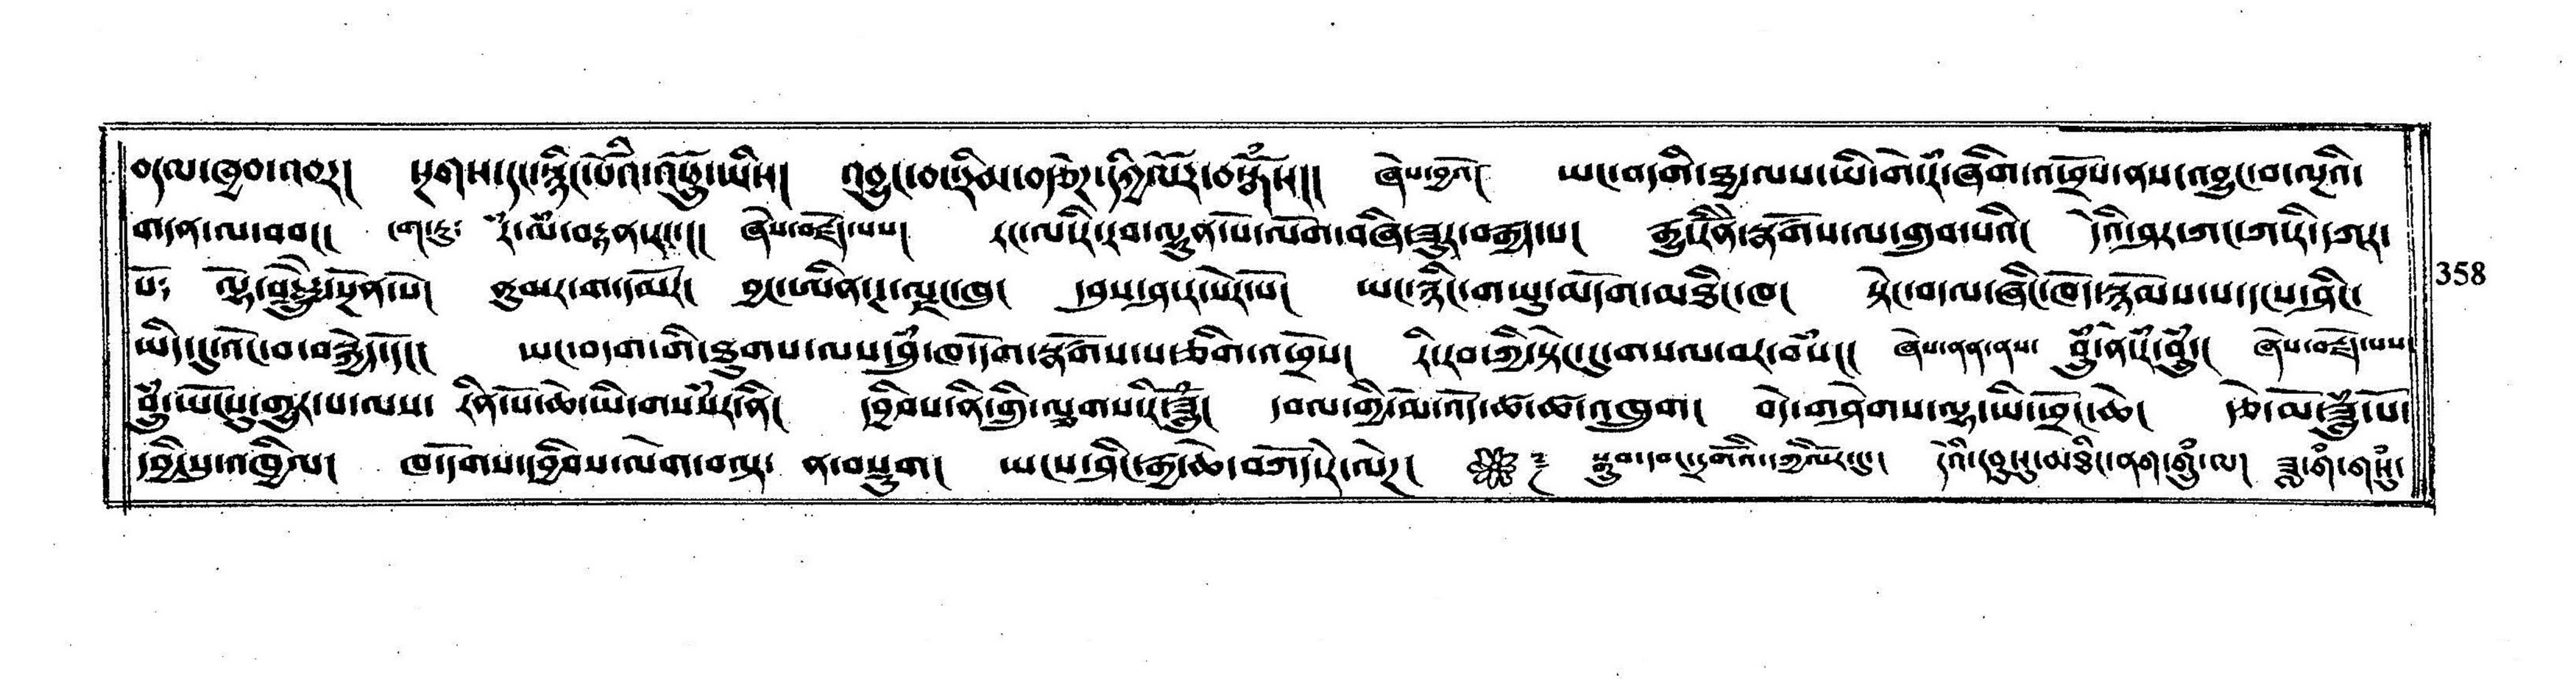བདལ་ཁྱབ་འབར། སྔགས་དང་སྙིང་པོའི་འཕྲོ་འདུ་ཡིས། འབྱུང་བ་རིམ་བརྩེགས་དཀྱིལ་འཁོར་བསྒོམས། ཞེས་བྱའོ། ཡང་བདག་གི་ཐུགས་ལས་ཡི་གེ་རྃ་ཞིག་འཕྲོས་ནས་འབྱུང་ལྔའི་
གདན་ལ་བབ། ངག་ཏུ༴ རཾ་མྃ་བརྟན་རང་། ཞེས་བརྗོད་པས། {369} རང་ལ་རི་རབ་ལྷུན་པོ་ལོག་བཞི་ཟུར་བརྒྱད་པ། རྒྱུ་རིན་པོ་ཆེ་སྣ་ཚོགས་ལ་གྲུབ་པའི། དེའི་ཤར་ཀང་ཀ་རི་དཀར་
པོ། ལྷོ་བཻཌུརྱ་སྔོན་པོ། ནུབ་ར་ག་དམར་པོ། བྱང་ཨིན་ཌ་ལྗང་ཁུ། དབུས་ཤ་ར་སེར་པོ། ཡང་སྙིང་གཡུ་མདོག་མཐིང་ཁ། སྟེང་བདལ་ཞིང་ཁོད་སྙོམས་པ་དངས་ཤིང་
ཡིད་དུ་འོང་བ་བསྐྱེད་དོ།། ཡང་བདག་གི་ཐུགས་ལས་བྲུཾ་ཁ་དོག་སྣ་ཚོགས་པ་ཅིག་འཕྲོས། རི་རབ་ཀྱི་སྟེང་དུ་གསལ་བར་བསམ། ཞེས་ནན་ནས། བྲུཾ་ནེ་རཾ་བྲུཾ། ཞེས་བརྗོད་པས། 
བྲུཾ་ཡོངས་སུ་གྱུར་པ་ལས། རིན་པོ་ཆེ་ཡི་གསས་མཁར་ནི། དབྱིབས་ནི་གྲུ་བཞི་ལྕགས་རི་ཟླུམ། དབལ་གྱི་མེ་འོད་ཚ་ཚ་འཁྲུག བདེ་གཤེགས་ལྷ་ཡི་ཕོ་བྲང་ཆེ། རྩེ་མོ་ཟླུམ་པོ་
དབྱིངས་སུ་འཁྱིལ། ཁ་དོགས་དབྱིབས་ལེགས་བལྟ་ན་སྡུག ཡངས་ཤིང་རྒྱ་ཆེ་བཀོད་རེ་ལེགས། སྒྲུབ་དབང་དྲག་པོའི་དཀྱིལ་འཁོར་དུ། དེའི་དབུས་སུ་མཐིང་ནག་གྲུ་གསུམ་ལ། ཟླ་གམ་གསུམ་